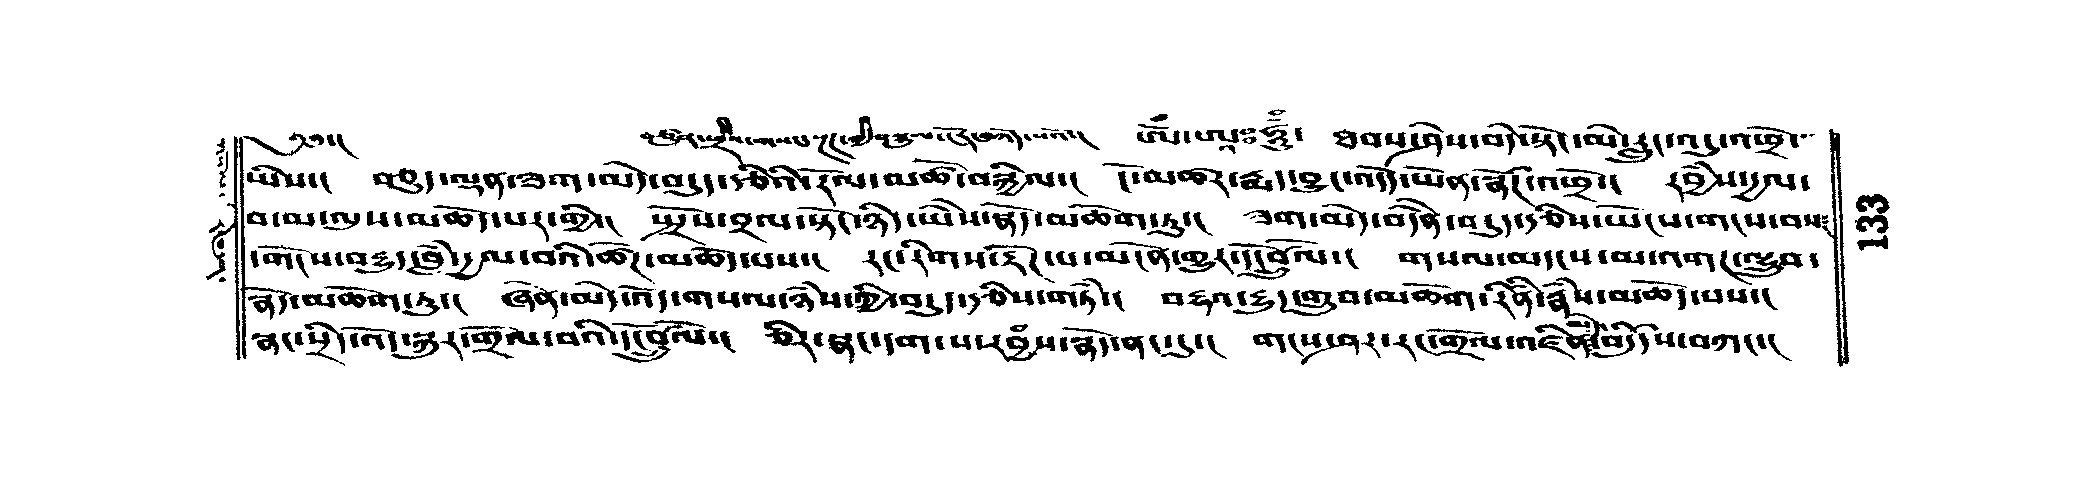བཙུན་ཕྲིན་ལས་གསང་སྔགས་ཀྱི་བསྐུལ་ངོར་བཀོད་པའོ།། ཨོཾ་ཨཱཿཧཱུྃ། ཐབས་ཤེས་བདེ་སྟོང་མེ་རླུང་འདུ་འཕྲོ་
ཡིས། །བཅུད་ལྡན་ཟག་མེད་བདུད་རྩིའི་རོལ་མཚོ་བསྐྱིལ། །ངོ་མཚར་རྨད་བྱུང་འདོད་ཡོན་སྣ་ཚོགས་འཕྲོ། །རབ་འབྱམས་རྒྱལ་
བ་མ་ལུས་མཆོད་པར་བགྱི། །སྤྲོས་བྲལ་སྟོང་ཉིད་ཡེ་ཤེས་སྣོད་མཆོག་ཏུ། །ཟག་མེད་བདེ་ཆེན་བདུད་རྩིས་ཡོངས་གང་བས། །༔
དགོངས་བརྒྱུད་བླ་མ་རྒྱལ་བའི་ཚོགས་མཆོད་པས། །རང་རིག་རྟོགས་པ་མངོན་གྱུར་དངོས་གྲུབ་སྩོལ། །གསལ་མདངས་མ་འགགས་ལྷུན་གྲུབ་
སྣོད་མཆོག་ཏུ། །ཞེན་མེད་འོད་གསལ་ཉམས་ཀྱི་བདུད་རྩིས་གཏམས། བརྡ་བརྒྱུད་གྲུབ་མཆོག་རིག་འཛིན་རྣམས་མཆོད་པས། །
སྣང་སྲིད་འོད་སྐུར་གྲོལ་བའི་དངོས་གྲུབ་སྩོལ། །ཅིར་སྣང་དག་པ་རབ་འབྱམས་སྣོད་ནང་དུ། །གང་ཤར་རང་གྲོལ་འཛིན་མེད་བདུད་རྩིས་བཀང་།